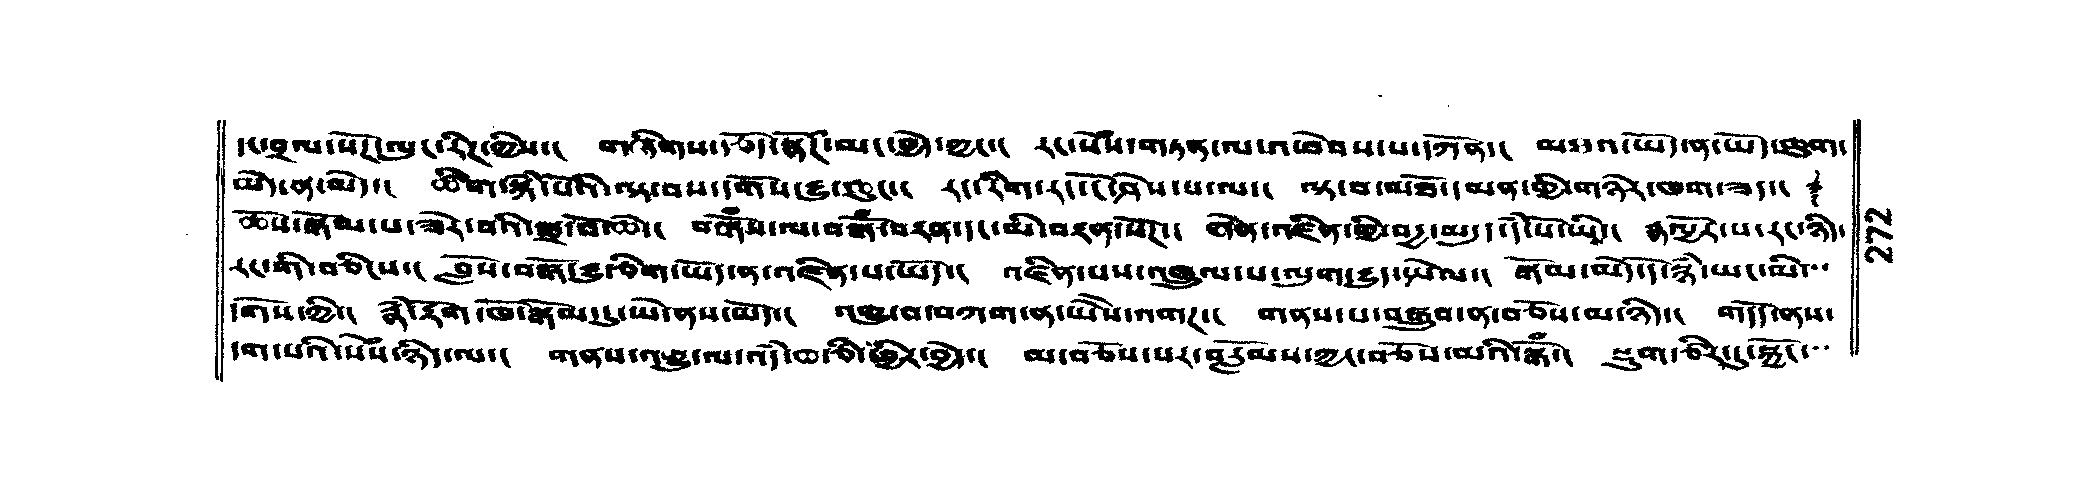དང་བྲལ་སོགས་ལུང་རིགས་ཀྱིས། །གཞིགས་རྩོད་སྣ་ཚོགས་མང་བྱེད་ཀྱང་། །རང་སེམས་གཏན་ལ་ཕེབས་པ་དཀོན། །མཐའ་ཡོད་ན་ཡོད་ཆུག་
མེད་ན་མེད། །ཚིག་སྐམ་པོའི་ལྟ་བས་དགོས་རྒྱུ་ཆུང་། །རང་རིག་རང་ངོ་ཤེས་པ་ལ། །ལྟ་བ་མཐོ་དམན་གྱི་གཉེར་ཁར་ཟད། །
ཆོས་སྒོམ་པ་ཟེར་བའི་སྒྲ་བོ་ཆེ། །སྒོམ་ལ་སྒོམ་བརྟན་དང་མི་བརྟན་སོགས། །ཞེན་འཛིན་གྱི་བརྒྱ་མདུད་དམ་པོ་ཡིས། །རྣལ་འབྱོར་པ་རང་ཉིད་
རང་གིས་བཅིངས། །བློས་བསྒོམ་རྒྱུ་ཅིག་ཡོད་ན་འཛིན་པ་ཡོད། །འཛིན་པས་འཁྲུལ་པ་ལུག་རྒྱུད་སྤེལ། །སྒོམ་མེད་དོ་སྙམ་ཡང་མི་
དགོས་ཀྱི། །རྣམ་རྟོག་ཁོ་སྒོམ་དུ་ཡེ་ནས་མེད། །འགྱུ་བ་བཀག་ན་ཡེ་ཤེས་འགགས། །གནས་པ་བསྒྲུབ་ན་བཅོས་མ་ཉིད། །གདོད་ནས་
དག་པའི་སེམས་ཉིད་ལ། །གནས་འགྱུ་ལ་འདམ་ཁ་ཅིའི་ཕྱིར་བྱེད། །མ་བཅོས་པར་བརློམ་ཡང་བཅོས་མའི་སྒོམ། །སྡུག་ཙིར་དུ་སྐྱོང་